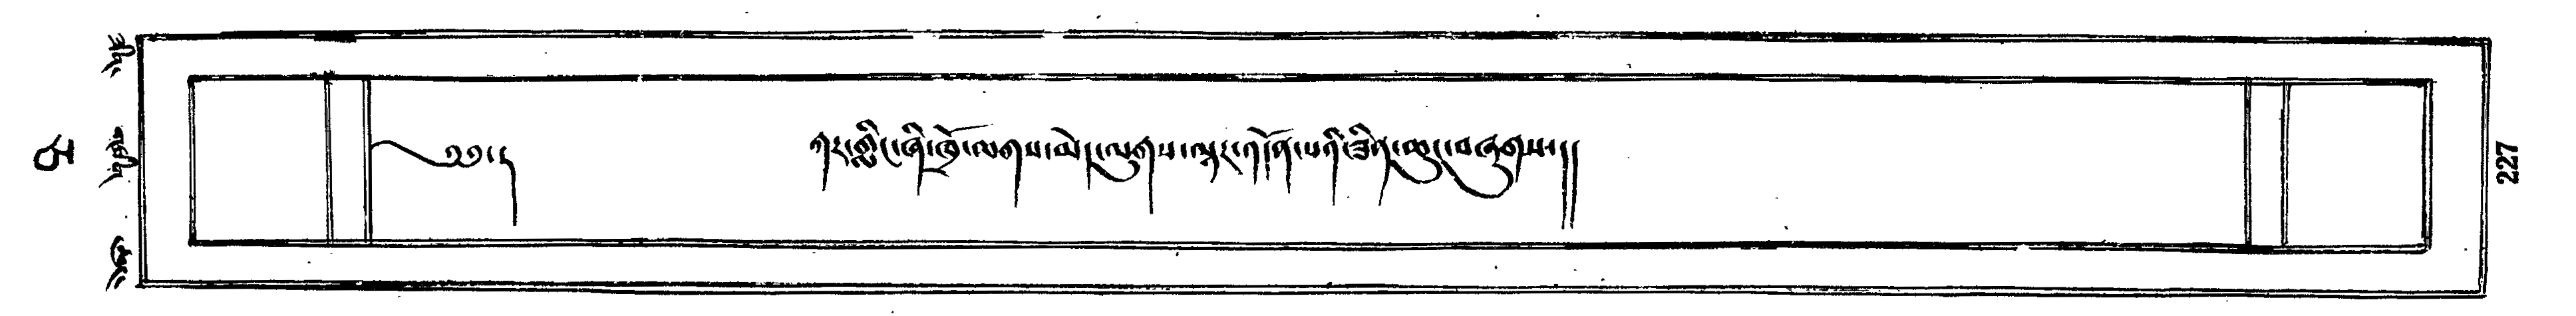༄༅། ཀར་གླིང་ཞི་ཁྲོ་ཆགས་མེད་ལུགས་ལྟར་འདོན་པའི་ཟིན་ཆུང་བཞུགས།